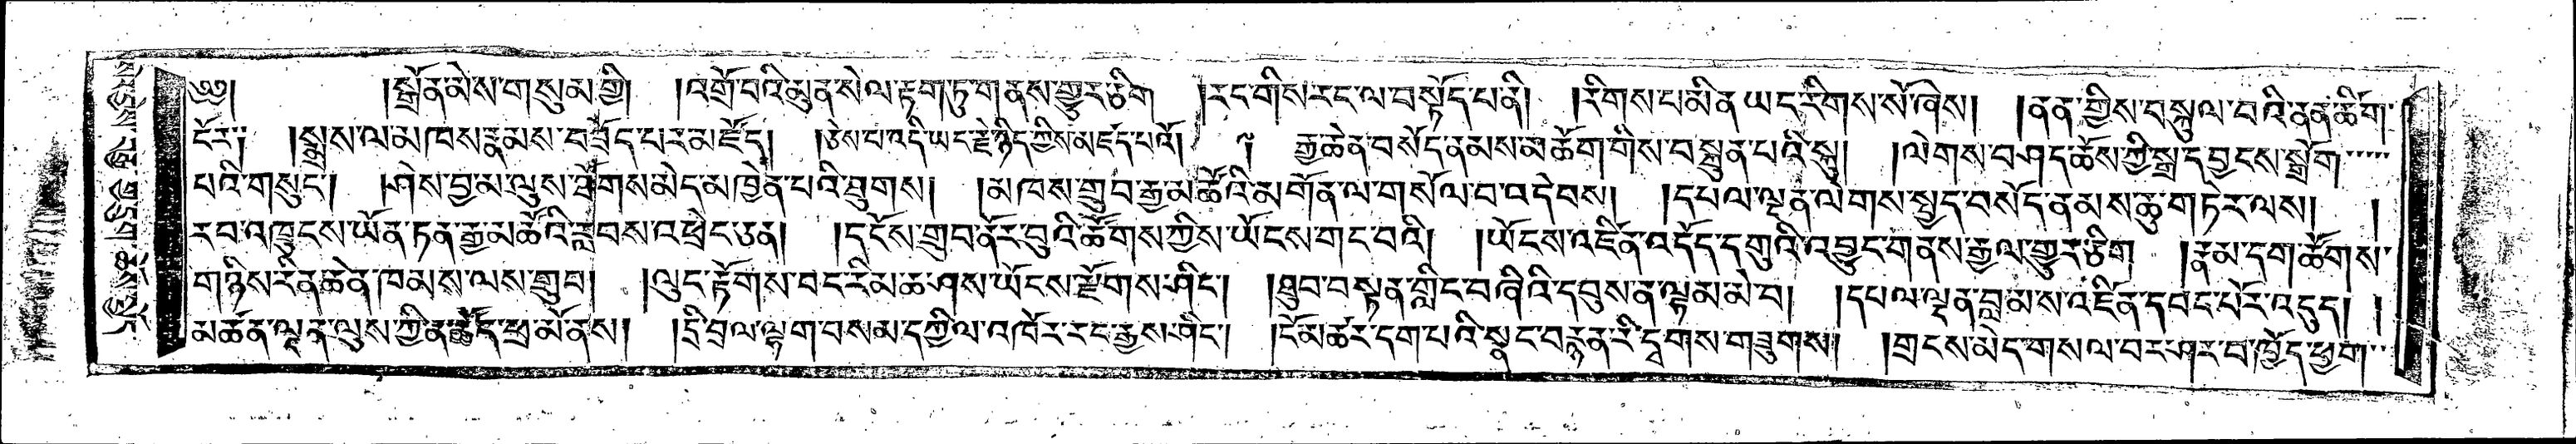༄༅། །སྒྲོན་མེ་ས་གསུམ་གྱི། །འགྲོ་བའི་མུན་སེལ་རྟག་ཏུ་གནས་གྱུར་ཅིག །རང་གིས་རང་ལ་བསྟོད་པ་ནི། །རིགས་པ་མིན་ཡང་རིགས་སོ་ཞེས། །ནན་གྱིས་བསྐུལ་བའི་ནན་ཚིག་
ངོར༑ །སྨྲས་ལ་མཁས་རྣམས་བཟོད་པར་མཛོད། །ཅེས་པ་འདི་ཡང་རྗེ་ཉིད་ཀྱིས་མཛད་པའོ། ༈ རྒྱ་ཆེན་བསོད་ནམས་མཆོག་གིས་བསྐྲུན་པའི་སྐུ། །ལེགས་བཤད་ཆོས་ཀྱི་སྒྲ་དབྱངས་སྒྲོག་
པའི་གསུང་། །ཤེས་བྱ་མ་ལུས་ཐོགས་མེད་མཁྱེན་པའི་ཐུགས། །མཁས་གྲུབ་རྒྱ་མཚོའི་མགོན་ལ་གསོལ་བ་འདེབས། །དཔལ་ལྡན་ལེགས་སྤྱད་བསོད་ནམས་ཆུ་གཏེར་ལས། །
རབ་འཁྲུངས་ཡོན་ཏན་རྒྱ་མཚོའི་རླབས་འཕྲེང་ཅན། །དངོས་གྲུབ་ནོར་བུའི་ཚོགས་ཀྱིས་ཡོངས་གང་བའི། །ཡོངས་འཛིན་འདོད་དགུའི་འབྱུང་གནས་རྒྱལ་གྱུར་ཅིག །རྣམ་དག་ཚོགས་
གཉིས་རིན་ཆེན་ཁམས་ལས་གྲུབ། །ལུང་རྟོགས་བང་རིམ་ཆ་ཤས་ཡོངས་རྫོགས་ཤིང་། །ཐུབ་བསྟན་གླིང་བཞིའི་དབུས་ན་ལྷམ་མེ་བ། །དཔལ་ལྡན་བླ་མ་ས་འཛིན་དབང་པོར་འདུད། །
མཚན་ལྡན་ལུས་ཀྱི་ན་ཚོད་ཕྲ་མོ་ནས། །དྲི་བྲལ་ལྷག་བསམ་དཀྱིལ་འཁོར་རང་རྒྱས་ཤིང་། །ངོ་མཚར་དག་པའི་སྣང་བརྙན་རི་དྭགས་གཟུགས། །གྲངས་མེད་གསལ་བར་ཤར་བ་ཁྱོད་ཕྱག་